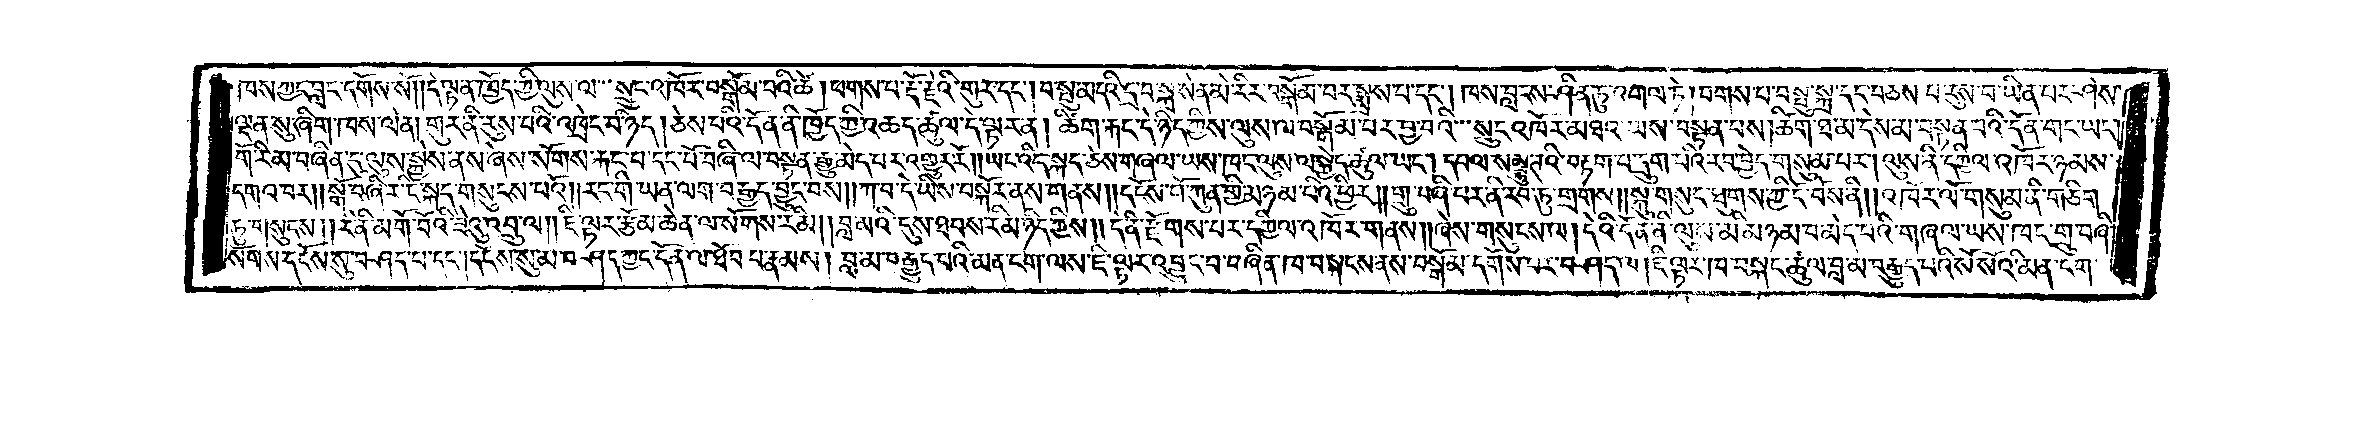ཁས་ཀྱང་བླང་དགོས་སོ། །དེ་ལྟ་ན་ཁྱོད་ཀྱི་ལུས་ལ་སྲུང་འཁོར་བསྒོམ་པའི་ཚེ། ཕགས་པ་རྡོ་རྗེའི་གུར་དང་། བ་སྦུ་མདའི་དྲ་བ་སྐྲ་སེན་མེ་རིར་བསྒོམ་པར་སྨྲས་པ་དང་། ཁས་བླངས་ཤིན་ཏུ་འགལ་ཏེ། བགས་པ་བ་སྦུ་སྐྲ་དང་བཅས་པ་རུས་བ་ཡིན་པར་ཤེས་
ལྡན་སུ་ཞིག་ཁས་ལེན། གུར་ནི་རུས་པའི་འཁྲེང་བ་ཉིད། ཅེས་པའི་དོན་ནི་ཁྱོད་ཀྱི་འཆད་ཚུལ་དེ་ལྟར་ན། ཚིག་རྐང་དེ་ཉིད་ཀྱིས་ལུས་ལ་བསྒོམ་པར་བྱ་བའི་སྲུང་འཁོར་མཐའ་ཡས་བསྟན་པས། ཚིག་ཐ་མ་དེས་མ་བསྟན་པའི་དོན་གང་ཡང་།
གོ་རིམ་བཞིན་དུ་ལུས་སྐྱེས་ནས་ཞེས་སོགས་རྐང་བ་དང་པོ་བཞི་ལ་བསྟན་རྒྱུ་མེད་པར་འགྱུར་རོ། །ཡང་འདི་སྐད་ཅེས་གཞལ་ཡས་ཁང་ལུས་ལ་སྐྱེད་ཚུལ་ཡང་། དཔལ་སམྦྷུ་ཊའི་བརྟག་པ་དྲུག་པའི་རབ་བྱེད་གསུམ་པར། ལུས་ནི་དཀྱིལ་འཁོར་ཉམས་
དགའ་བར། །སྒོ་བཞིར་ཇི་སྐད་གསུངས་པའོ། །རང་གི་ཡན་ལག་བརྒྱད་བྱུང་བས། །ཀ་བ་དེ་ཡིས་བསྐོར་ནས་གནས། །དངོས་པོ་ཀུན་གྱི་མཉམ་པའི་ཕྱིར། །གྲུབ་བཞི་པར་ནི་རབ་ཏུ་གྲགས། །སྐུ་གསུངས་ཐུགས་ཀྱི་ངོ་བོས་ནི། །འཁོར་ལོ་གསུམ་ནི་གཅིག་
ཏུ་གསུངས། །རི་ནི་མགོ་བོའི་ཟེའུ་འབྲུ་ལ། །ཇི་ལྟར་རྩོམ་ཆེན་ལ་སོགས་རིམ། །བླ་མའི་དུས་ཐབས་རིམ་ཉིད་ཀྱིས། །དེ་ནི་རྫོགས་པར་དཀྱིལ་འཁོར་གནས། །ཞེས་གསུངས་ལ། དེའི་དོན་ནི་ལུས་མི་མཉམ་པ་མེད་པའི་གཞལ་ཡས་ཁང་གྲུ་བཞི་
སོགས་དངོས་སུ་བཤད་པ་དང་། དངོས་སུ་མ་བཤད་ཀྱང་དོན་ལ་ཐོབ་པ་རྣམས། བླ་མ་བརྒྱུད་པའི་མན་ངག་ལས་ཇི་ལྟར་འབྱུང་བ་བཞིན་ཁ་བསྐངས་ནས་བསྒོམ་དགོས་པར་བཤད་ལ། ཇི་ལྟར་ཁ་བསྐང་ཚུལ་བླ་མ་བརྒྱུད་པའི་སོ་སོའི་མིན་ང་